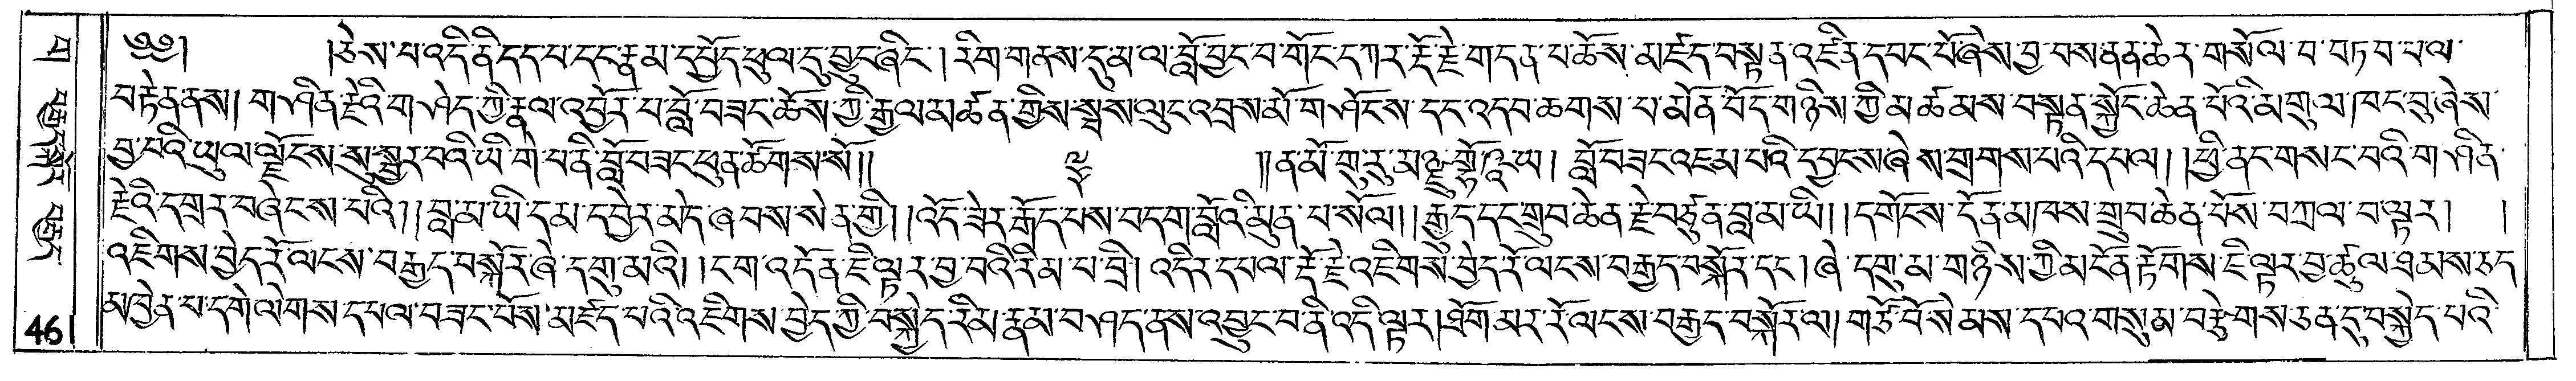༄༅། །ཅེས་པ་འདི་ནི་དད་པ་དང་རྣམ་དཔྱོད་ཕུལ་དུ་བྱུང་ཞིང་། རིག་གནས་དུ་མ་ལ་བློ་བྱང་བ་གོང་དཀར་རྡོ་རྗེ་གདན་པ་ཆོས་མཛད་བསྟན་འཛིན་དབང་པོ་ཞེས་བྱ་བས་ནན་ཆེར་གསོལ་བ་བཏབ་པ་ལ་
བརྟེན་ནས། གཤིན་རྗེའི་གཤེད་ཀྱི་རྣལ་འབྱོར་པ་བློ་བཟང་ཆོས་ཀྱི་རྒྱལ་མཚན་གྱིས་སྦས་ལུང་འབྲས་མོ་གཤོངས་དང་འདབ་ཆགས་པ་མོན་བོད་གཉིས་ཀྱི་མཚམས་བསྟན་སྐྱོང་ཆེན་པོའི་མགུལ་ཁང་བུ་ཞེས་
བྱ་བའི་ཡུལ་ལྗོངས་སུ་སྦྱར་བའི་ཡི་གེ་པ་ནི་བློ་བཟང་ཕུན་ཚོགས་སོ།། ༈ །།ན་མོ་གུ་རུ་མཉྫུ་གྷོ་ཥཱ་ཡ། བློ་བཟང་འཇམ་པའི་དབྱངས་ཞེས་གྲགས་པའི་དཔལ། །ཕྱི་ནང་གསང་བའི་གཤིན་
རྗེའི་དགྲར་བཞེངས་པའི། །བླ་མ་ཡི་དམ་དབྱེར་མེད་ཞབས་སེན་གྱི། །འོད་ཟེར་རྒོད་པས་བདག་བློའི་མུན་པ་སོལ། །རྒྱུད་དང་གྲུབ་ཆེན་རྗེ་བཙུན་བླ་མ་ཡི། །དགོངས་དོན་མཁས་གྲུབ་ཆེན་པོས་བཀྲལ་བ་ལྟར། །
འཇིགས་བྱེད་རོ་ལངས་བརྒྱད་བསྐོར་ཞེ་དགུ་མའི། །ངག་འདོན་ཇི་ལྟར་བྱ་བའི་རིམ་པ་བྲི། འདིར་དཔལ་རྡོ་རྗེ་འཇིགས་བྱེད་རོ་ལངས་བརྒྱད་བསྐོར་དང་། ཞེ་དགུ་མ་གཉིས་ཀྱི་མངོན་རྟོགས་ཇི་ལྟར་བྱ་ཚུལ་ཐམས་ཅད་
མཁྱེན་པ་དགེ་ལེགས་དཔལ་བཟང་པོས་མཛད་པའི་འཇིགས་བྱེད་ཀྱི་བསྐྱེད་རིམ་རྣམ་བཤད་ནས་འབྱུང་བ་ནི་འདི་ལྟར། ཐོག་མར་རོ་ལངས་བརྒྱད་བསྐོར་ལ། གཙོ་བོ་སེམས་དཔའ་གསུམ་བརྩེགས་ཅན་དུ་བསྐྱེད་པའི་